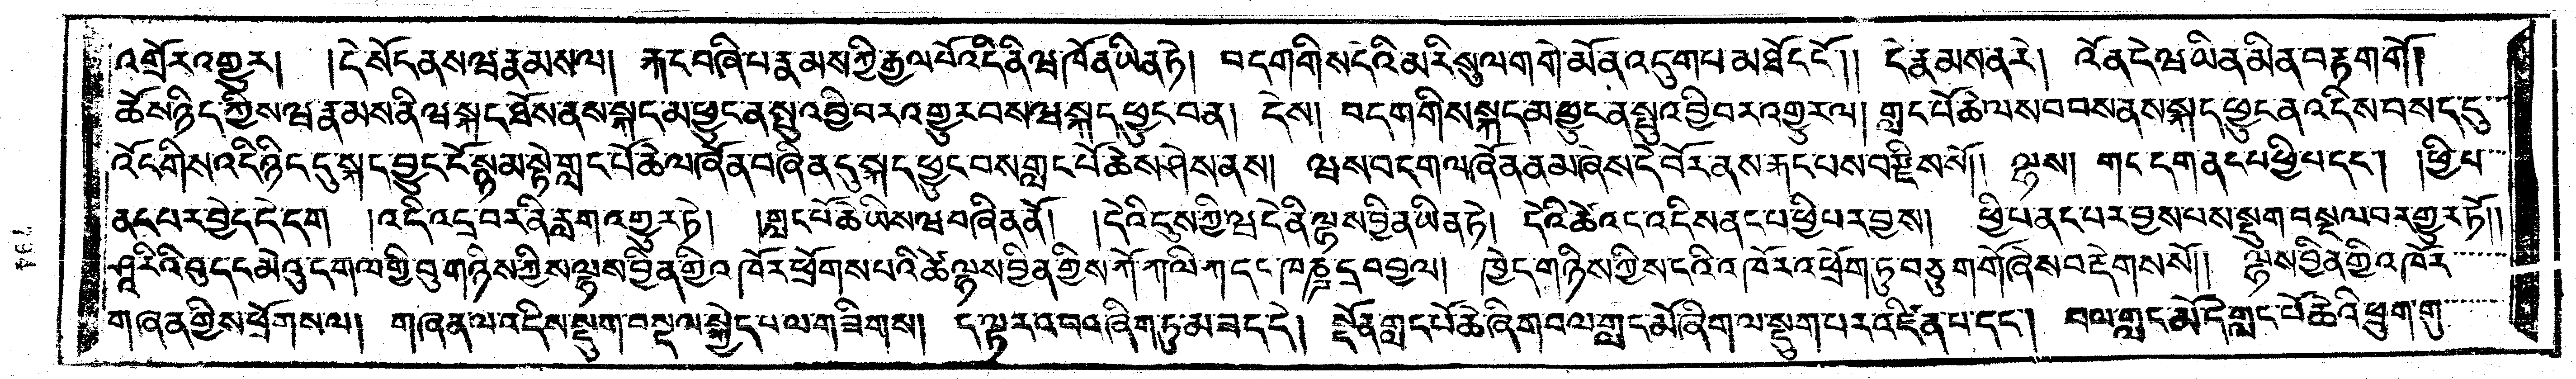འགྲོར་འགྱུར། །དེ་སོང་ནས་ཝ་རྣམས་ལ། རྐང་བཞི་པ་རྣམས་ཀྱི་རྒྱལ་པོ་འདི་ནི་ཝ་ཁོ་ན་ཡིན་ཏེ། བདག་གིས་དེའི་མ་རི་སུལ་གེག་མོ་ན་འདུག་པ་མཐོང་ངོ།། དེ་རྣམས་ན་རེ། འོ་ན་དེ་ཝ་ཡིན་མིན་བརྟག་གོ།
ཆོས་ཉིད་ཀྱིས་ཝ་རྣམས་ནི་ཝ་སྐང་ཐོས་ནས་སྐང་མ་ཕྱུང་ན་སྤུ་འབྱི་བར་འགྱུར་བས་ཝ་སྐད་ཕྱུང་བ་ན། དེས། བདག་གིས་སྐད་མ་ཕྱུང་ན་སྤུ་འབྱི་བར་འགྱུར་ལ། གླང་པོ་ཆེ་ལས་བབས་ནས་སྐད་ཕྱུང་ན་འདིས་བསད་དུ་
འོང་གིས་འདི་ཉིད་དུ་སྐད་བྱུང་ངོ་སྙམ་སྟེ་གླང་པོ་ཆེ་ལ་ཞོན་བཞིན་དུ་སྐད་ཕྱུང་བས་གླང་པོ་ཆེས་ཤེས་ནས། ཝས་བདག་ལ་ཞོན་ནམ་ཞེས་དེ་བོར་ནས་རྐང་པས་བརྫིས་སོ།། ལྷས། གང་དག་ནང་པ་ཕྱི་པ་དང་། །ཕྱི་པ་
ནང་པར་བྱེད་དེ་དག །འདི་འདྲ་བར་ནི་རླག་འགྱུར་ཏེ། །གླང་པོ་ཆེ་ཡིས་ཝ་བཞིན་ནོ། །དེའི་དུས་ཀྱི་ཝ་དེ་ནི་ལྷས་བྱིན་ཡིན་ཏེ། དེའི་ཚེའང་འདིས་ནང་པ་ཕྱི་པར་བྱས། ཕྱི་པ་ནང་པར་བྱས་པས་བསྡུག་བསྔལ་བར་གྱུར་རོ།།
ཤཱ་རིའི་བུ་དང་མེའུ་དགལ་གྱི་བུ་གཉིས་ཀྱིས་ལྷས་བྱིན་གྱི་འཁོར་ཕྲོགས་པའི་ཚེ་ལྷས་བྱིན་གྱིས་ཀོ་ཀ་ལི་ཀ་དང་ཁཎྜ་དྲ་བ་བྱ་ལ། ཁྱེད་གཉིས་ཀྱིས་ངའི་འཁོར་འཕྲོག་ཏུ་བཅུག་གོ་ཞེས་བརྡེགས་སོ།། ལྷས་བྱིན་གྱི་འཁོར་
གཞན་གྱིས་ཕྲོགས་ལ། གཞན་ལ་འདིས་སྡུག་བསྔལ་སྐྱེད་པ་ལ་གཟིགས། ད་ལྟར་འབའ་ཞིག་ཏུ་མ་ཟད་དེ། སྔོན་གླང་པོ་ཆེ་ཞིག་བལ་གླང་མོ་ཞིག་ལ་སྡུག་པར་འཛིན་པ་དང་། བལ་གླང་མོ་དེ་གླང་པོ་ཆེའི་ཕྲུག་གུ་